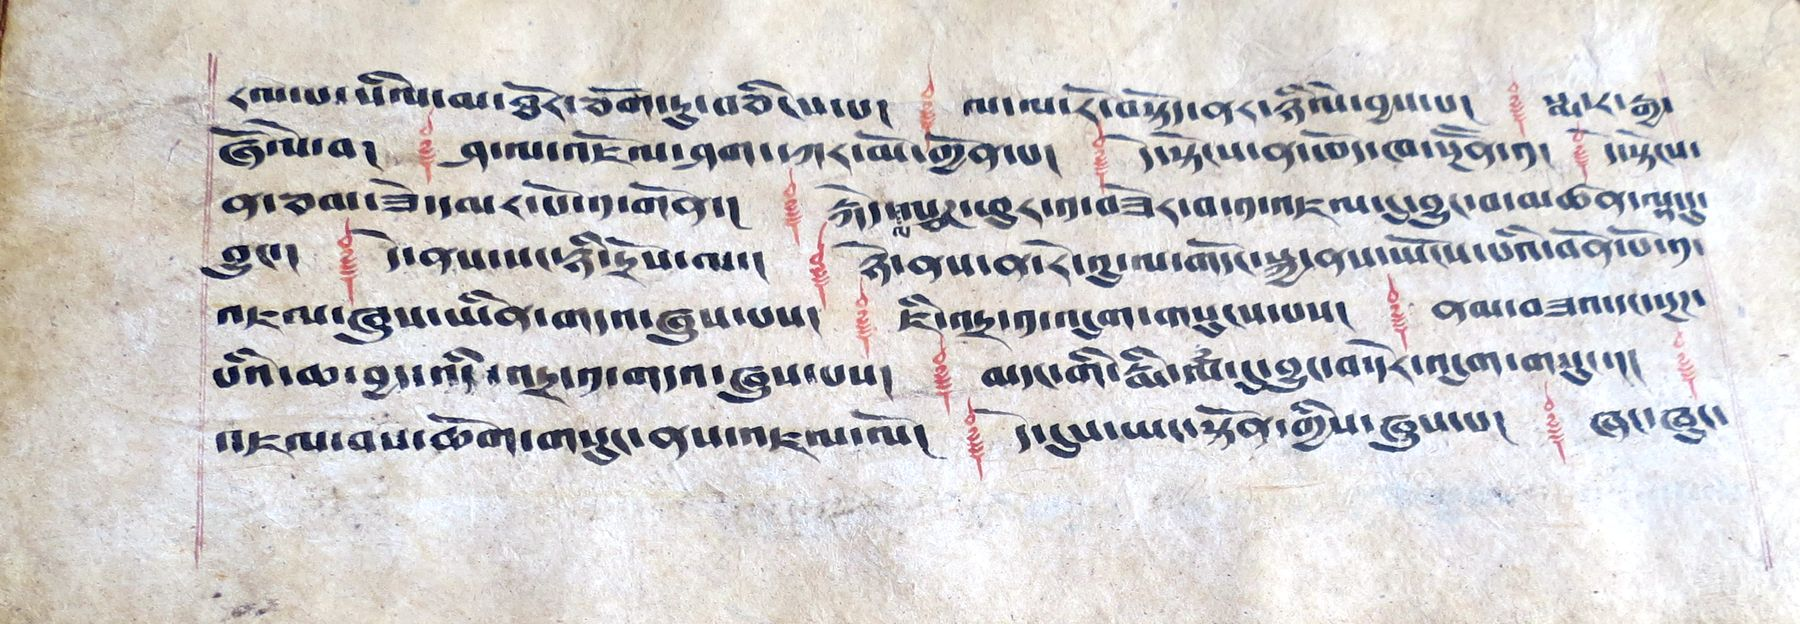རལ་པ་སིལ་མ་ཐོར་ཅོག་ཏུ་བཅིངས་པ། ལ་ལ་རོ་སྟོད་ན་ཉི་ལེ་བྱས་པ། སྨང་ར་རྒྱ་
ཞོལ་ལེ་བ་ཤ་ལ་འཇོལ་ཤག་དཀར་མོ་གྱོན་པ། དེ་སྟེང་ན་ཕོད་ཁ་སྔོན་པོ་ཞིག དེ་སྟེང་
ན་ཅམ་སེ་དམར་པོ་ཞིག་གོན། རྐེད་ལ་ལྕགས་ཕུར་གཅིག་གཟེར་བ་ཞིག མཇལ་དུ་མཚན་ལྟས་སུ་
བྱུང་། དེ་ནས་སང་ཉི་དྲོས་ལ། ཉེ་གནས་ན་རེ། འུ་ལ་གདོང་སྐྱ་ནས་ཡོང་བའི་བོན་པོ་ཞིག་
མཇལ་ཞུ་ཡིན་གདའ་ཞུས་པས། ཅི་འདྲ་ཞིག་འདུག་གསུངས་པས། ནམ་བཟའ་དང་སྔགས་
པའི་ཆ་བྱད་འདི་འདྲ་གདའ་ཞུས་པས། མདང་གི་མཚན་ལམ་དུ་བྱུང་པ་དེར་འདུག་གསུངས། 
མཇལ་བས་ཆོག་གསུང་ནས་མཇལ་ལོ། ། དེ་དུས་ཡང་སྟོན་གྱིས་ཞུས་པ། ཞང་ཞུང་